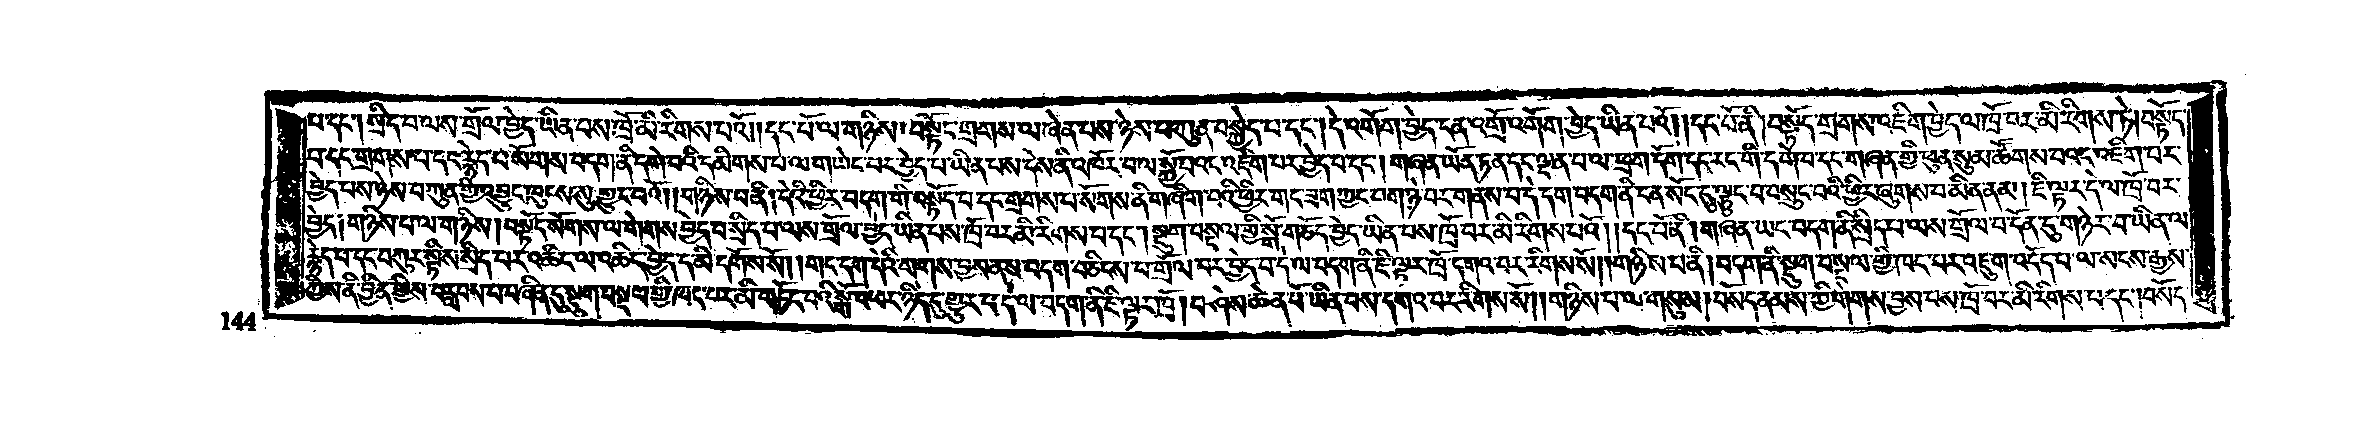པ་དང་། སྲིད་པ་ལས་གྲོལ་བྱེད་ཡིན་པས་ཁྲོ་མི་རིགས་པའོ། །དང་པོ་ལ་གཉིས། བསྟོད་གྲགས་ལ་ཞེན་པས་ཉེས་པ་ཀུན་བསྐྱེད་པ་དང་། དེ་འགོག་བྱེད་ངན་འགྲོ་འགོག་བྱེད་ཡིན་པའོ། །དང་པོ་ནི། བསྟོད་གྲགས་འཇིག་བྱེད་ལ་ཁྲོ་བར་མི་རིགས་ཏེ། བསོད་
པ་དང་གྲགས་པ་དང་རྙེད་པ་སོགས་བདག་ནི་དགེ་བའི་དམིགས་པ་ལ་གཡེང་བར་བྱེད་པ་ཡིན་པས་དེས་ནི་འཁོར་བ་ལ་སྐྱོ་བའང་འཇིག་པར་བྱེད་པ་དང་། གཞན་ཡོན་ཏན་དང་ལྡན་པ་ལ་ཕྲག་དོག་དང་རང་གི་དགེ་བ་དང་གཞན་གྱི་ཕུན་སུམ་ཚོགས་པའང་འཇིག་པར་
བྱེད་པས་ཉེས་པ་ཀུན་གྱི་འབྱུང་ཁུངས་སུ་གྱུར་པའོ། །གཉིས་པ་ནི། དེའི་ཕྱིར་བདག་གི་བསྟོད་པ་དང་གྲགས་པ་སོགས་ནི་གཞིག་པའི་ཕྱིར་གང་ཟག་ཀྱང་བག་ཉེ་བར་གནས་པ་དེ་དག་བདག་ནི་ངན་སོང་དུ་ལྟུང་བ་བསྲུང་བའི་ཕྱིར་ཞུགས་པ་མིན་ནམ། ཇི་ལྟར་དེ་ལ་ཁྲོ་བར་
བྱེད༑ གཉིས་པ་ལ་གཉིས། བསྟོད་སོགས་ལ་གེགས་བྱེད་པ་སྲིད་པ་ལས་གྲོལ་བྱེད་ཡིན་པས་ཁྲོ་བར་མི་རིགས་པ་དང་། སྡུག་བསྔལ་གྱི་སྒོ་གཅོད་བྱེད་ཡིན་པས་ཁྲོ་བར་མི་རིགས་པའོ། །དང་པོ་ནི། གཞན་ཡང་བདག་ནི་སྲིད་པ་ལས་གྲོལ་བ་དོན་དུ་གཉེར་བ་ཡིན་ལ་
རྙེད་པ་དང་བཀུར་སྟིས་སྲིད་པར་འཆིད?་ལ་འཆིད?་བྱེད་ད་མི་དགོས་སོ། །གང་དག་དེའི་གེགས་བྱས་ནས་བདག་བཅིངས་པ་གྲོལ་བར་བྱེད་པ་དེ་ལ་བདག་ནི་ཇི་ལྟར་ཁྲོ་དཀའ་བར་རིགས་སོ། །གཉིས་པ་ནི། བདག་ནི་སྡུག་བསྔལ་གྱི་ཁང་པར་འཇུག་འདོད་པ་ལ་སངས་རྒྱས་
ཀྱིས་ནི་བྱིས་གྱིས་བརླབས་པ་བཞིན་དུ་སྡུག་བསྔལ་གྱི་ཁང་པར་མི་གཏོད་པའི་སྒོ་འཕར་ཉིད་དུ་གྱུར་པ་དེ་ལ་བདག་ནི་ཇི་ལྟར་ཁྲོ། བཤེས་ཆེན་པོ་ཡིན་པས་དགའ་བར་རིགས་སོ། །གཉིས་པ་ལ་གསུམ། བསོད་ནམས་ཀྱི་གེགས་བྱས་པས་ཁྲོ་བར་མི་རིགས་པ་དང་། བསོད་